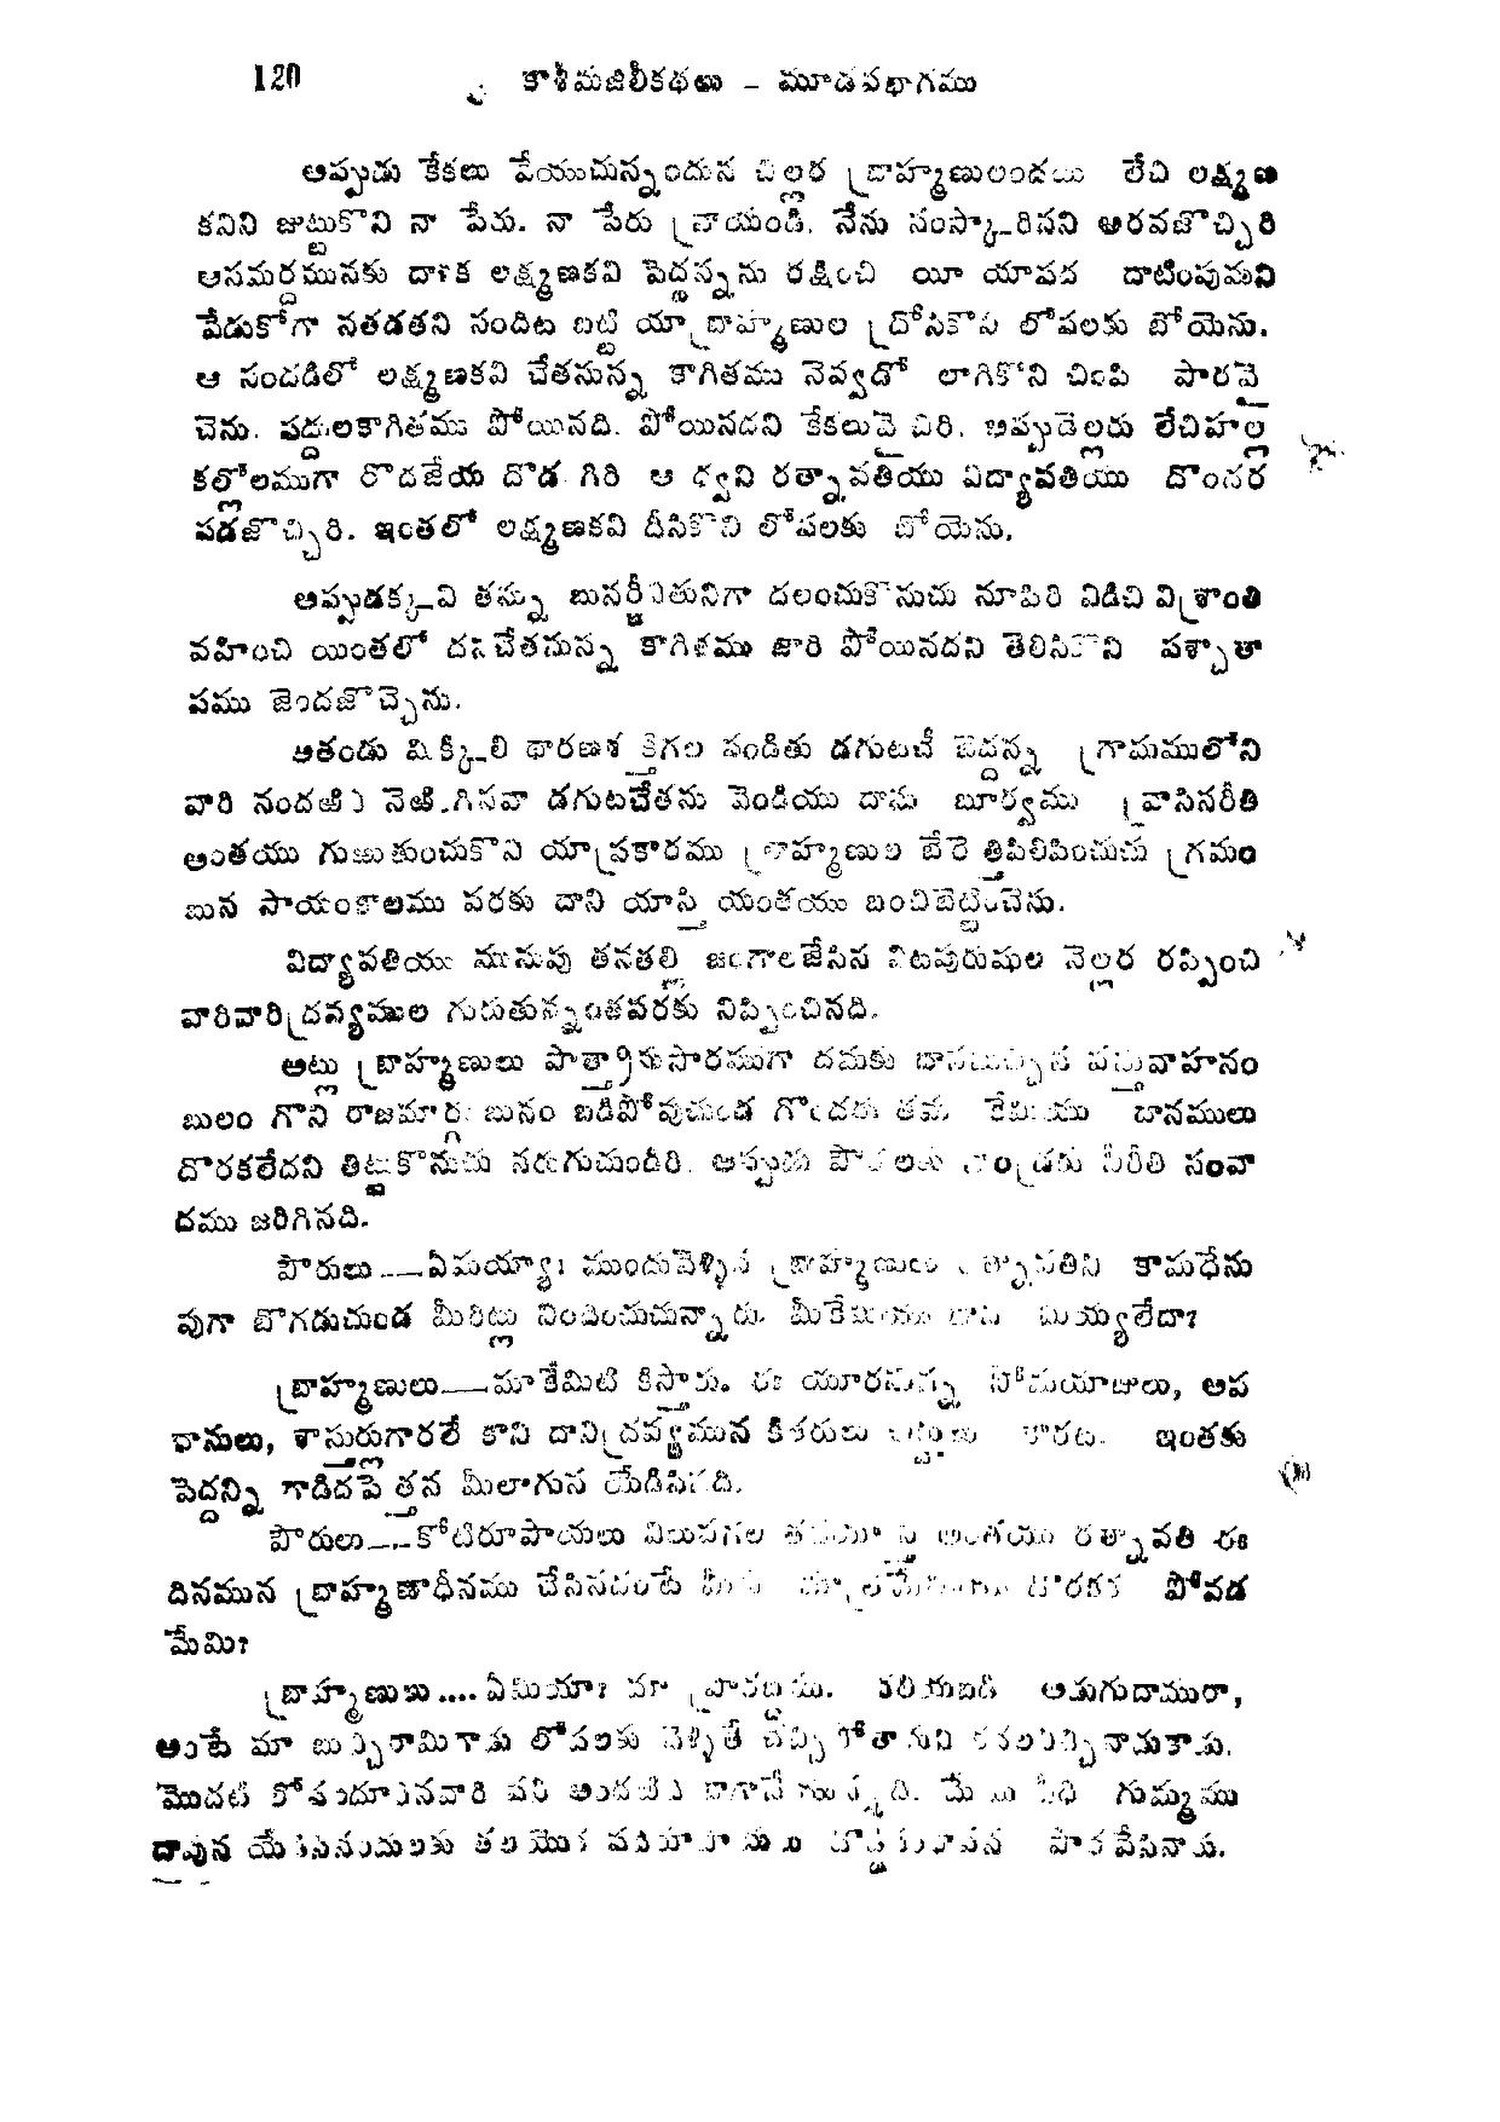అప్పుడు కేకలు వేయుచున్నందున చిల్లర బ్రాహ్మణులందఱు లేచి లక్ష్మణ కవిని జుట్టుకొని నా పేరు. నా పేరు వ్రాయండి. నేను సంస్కారినని అరవజొచ్చిరి ఆసమర్దమునకు దాళక లక్ష్మణకవి పెద్దన్నను రక్షించి యీ యాపద దాటింపుమని వేడుకోగా నత డతని సందిట బట్టి యాబ్రాహ్మణుల ద్రోసికొని లోపలకు బోయెను. ఆ సందడిలో లక్ష్మణకవి చేతనున్న కాగితము నెవ్వడో లాగికొని చింపి పారవైచెను. పద్దులకాగితము పోయినది. పోయినదని కేకలువై చిరి. అప్పుడెల్లరు లేచి హల్లకల్లోలముగా రొదజేయ దొడంగిరి ఆ ధ్వని రత్నావతియు విద్యావతియు దొందరపడజొచ్చిరి. ఇంతలో లక్ష్మణకవి దీసికొని లోపలకు బోయెను.

అప్పుడక్కవి తన్ను బునర్జీవితునిగా దలంచుకొనుచు నూపిరి విడిచి విశ్రాంతి వహించి యింతలో దనచేతనున్న కాగితము జారిపోయినదని తెలిసికొని పశ్చాతాపము జెందజొచ్చెను.

ఆతండు మిక్కిలి ధారణశక్తిగల పండితు డగుటచే బెద్దన్న గ్రామములోని వారి నందఱిని నెఱింగినవా డగుటచేతను వెండియు దాను బూర్వము వ్రాసినరీతి అంతయు గుఱుతుంచుకొని యాప్రకారము బ్రాహ్మణుల బేరెత్తి పిలిపించుచు గ్రమంబున సాయంకాలము వరకు దాని యాస్తి యంతయు బంచి బెట్టించెను.

విద్యావతియు మునుపు తనతల్లి జంగాలజేసిన విటపురుషుల నెల్లర రప్పించి వారివారి ద్రవ్యముల గురుతున్నంతవరకు నిప్పించినది.

అట్లు బ్రాహ్మణులు పాత్త్రానుసారముగా దమకు దానమిచ్చిన వస్తువాహనంబులం గొని రాజమార్గంబునం బడిపోవుచుండ గొందరు తమ కేమియు దానములు దొరకలేదని తిట్టుకొనుచు నరుగుచుండిరి. అప్పుడు పౌరులకు వాండ్రకు నీరీతి సంవాదము జరిగినది.

పౌరులు - ఏమయ్యా! ముందువెళ్ళిన బ్రాహ్మణులు రత్నావతిని కామధేనువుగా బొగడుచుండ మీరిట్లు నిందించుచున్నారు. మీకేమియు దాన మియ్యలేదా?

బ్రాహ్మణులు - మాకేమిటి కిస్తారు. ఈ యూరునున్న సోమయాజులు, అవధానులు, శాస్తుర్లుగారలే కాని దానిద్రవ్యమున కితరులు నర్హులు కారట. ఇంతకు పెద్దన్ని గాడిదపెత్తన మీలాగున యేడిసినది.

పౌరులు - కోటిరూపాయలు విలువగల తనయాస్తి అంతయు రత్నావతి ఈ దినమున బ్రాహ్మణాధీనము చేసినదంటే మీకు మాత్రమేమియు దొరకక పోవడమేమి?

బ్రాహ్మణులు - ఏమియా? మా ప్రారబ్దము. కలియబడి అడుగుదామురా, అంటే మా బుచ్చిరామిగాడు లోపలకు వెళ్ళితే చచ్చిపోతామని కదలనిచ్చినాడుకాడు. మొదటి లోపలదూరినవారి పని అందఱిది బాగానేయున్నది. మేము వీథి గుమ్మము దాపున యేడిసినందులకు తలయొక పదిరూపాయలు దొడ్డిసంభావన పారవేసినారు.